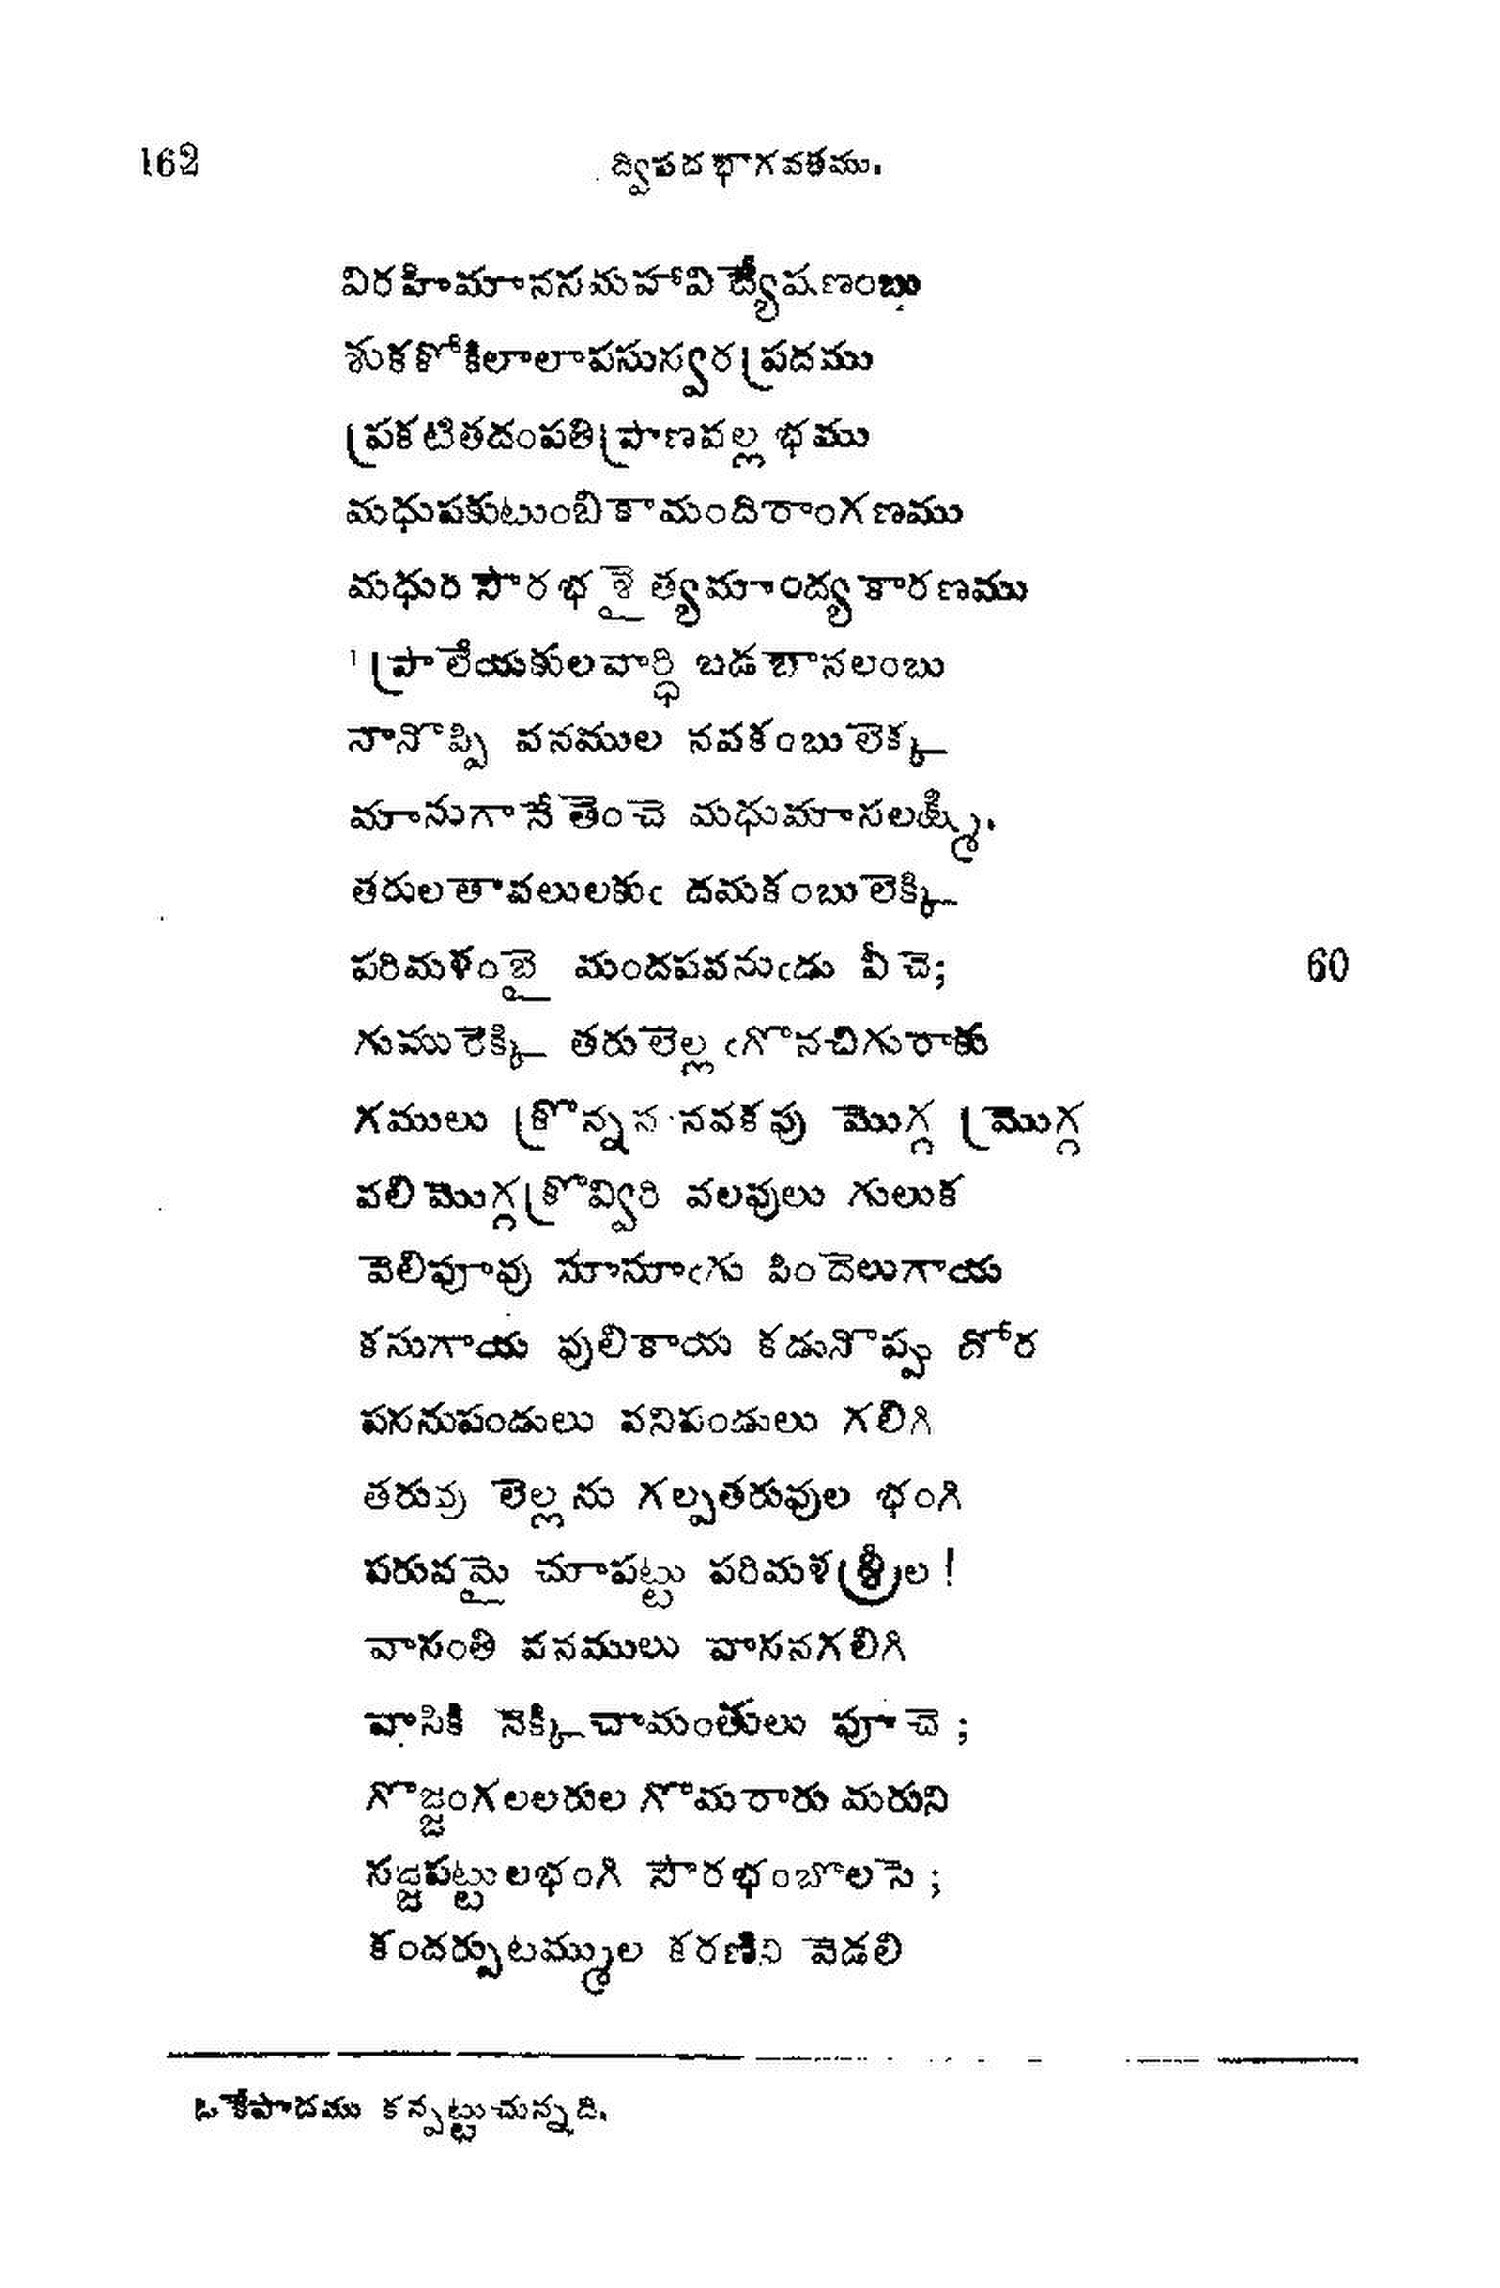విరహిమానసమహా విద్యేషణంబు
శుకకోకిలాలాప సుస్వరప్రదము 
ప్రకటితదంపతి ప్రాణవల్లభము
మధుపకుటింబికా మందిరాంగణము
మధురసౌరభశైత్య మాంద్యకారణము 
ప్రాలేయకులవార్థి బడబానలంబు 
ప్రాలేయకులవార్ధి బడబానలంబు 
నానొప్పి వనముల నవకంబులెక్క
మానుగానేతెంచె మధుమాసలక్ష్మి.
తరులతావలులకుఁ దమకంబులెక్కి
పరిమళంబై మంద పవనుఁడు వీచె;
గుమురెక్కి తరులెల్లఁ గొనచిగురాకు
గములు క్రొన్నన నవకపు మొగ్గ మ్రొగ్గ
వలిమొగ్గ క్రొవ్విరి వలవులు గులుక
వెలిపూవు నూనూఁగు పిందెలుగాయ
కసుగాయ వులికాయ కడునొప్పు దోర
పసనుపండులు వనిపండులు గలిగి
తరువు లెల్లను గల్పతరువుల భంగి
పరువమై చూపట్టు పరిమళశ్రీల! 
వాసంతి వనములు వాసనగలిగి
వాసికి నెక్కిచామంతులు పూచె; 
గొజ్జంగలలరుల గొమరారుమరుని
సజ్జపట్టులభంగి సౌరభంబొలసె; 
కందర్పుటమ్ముల కరణిని వెడలి